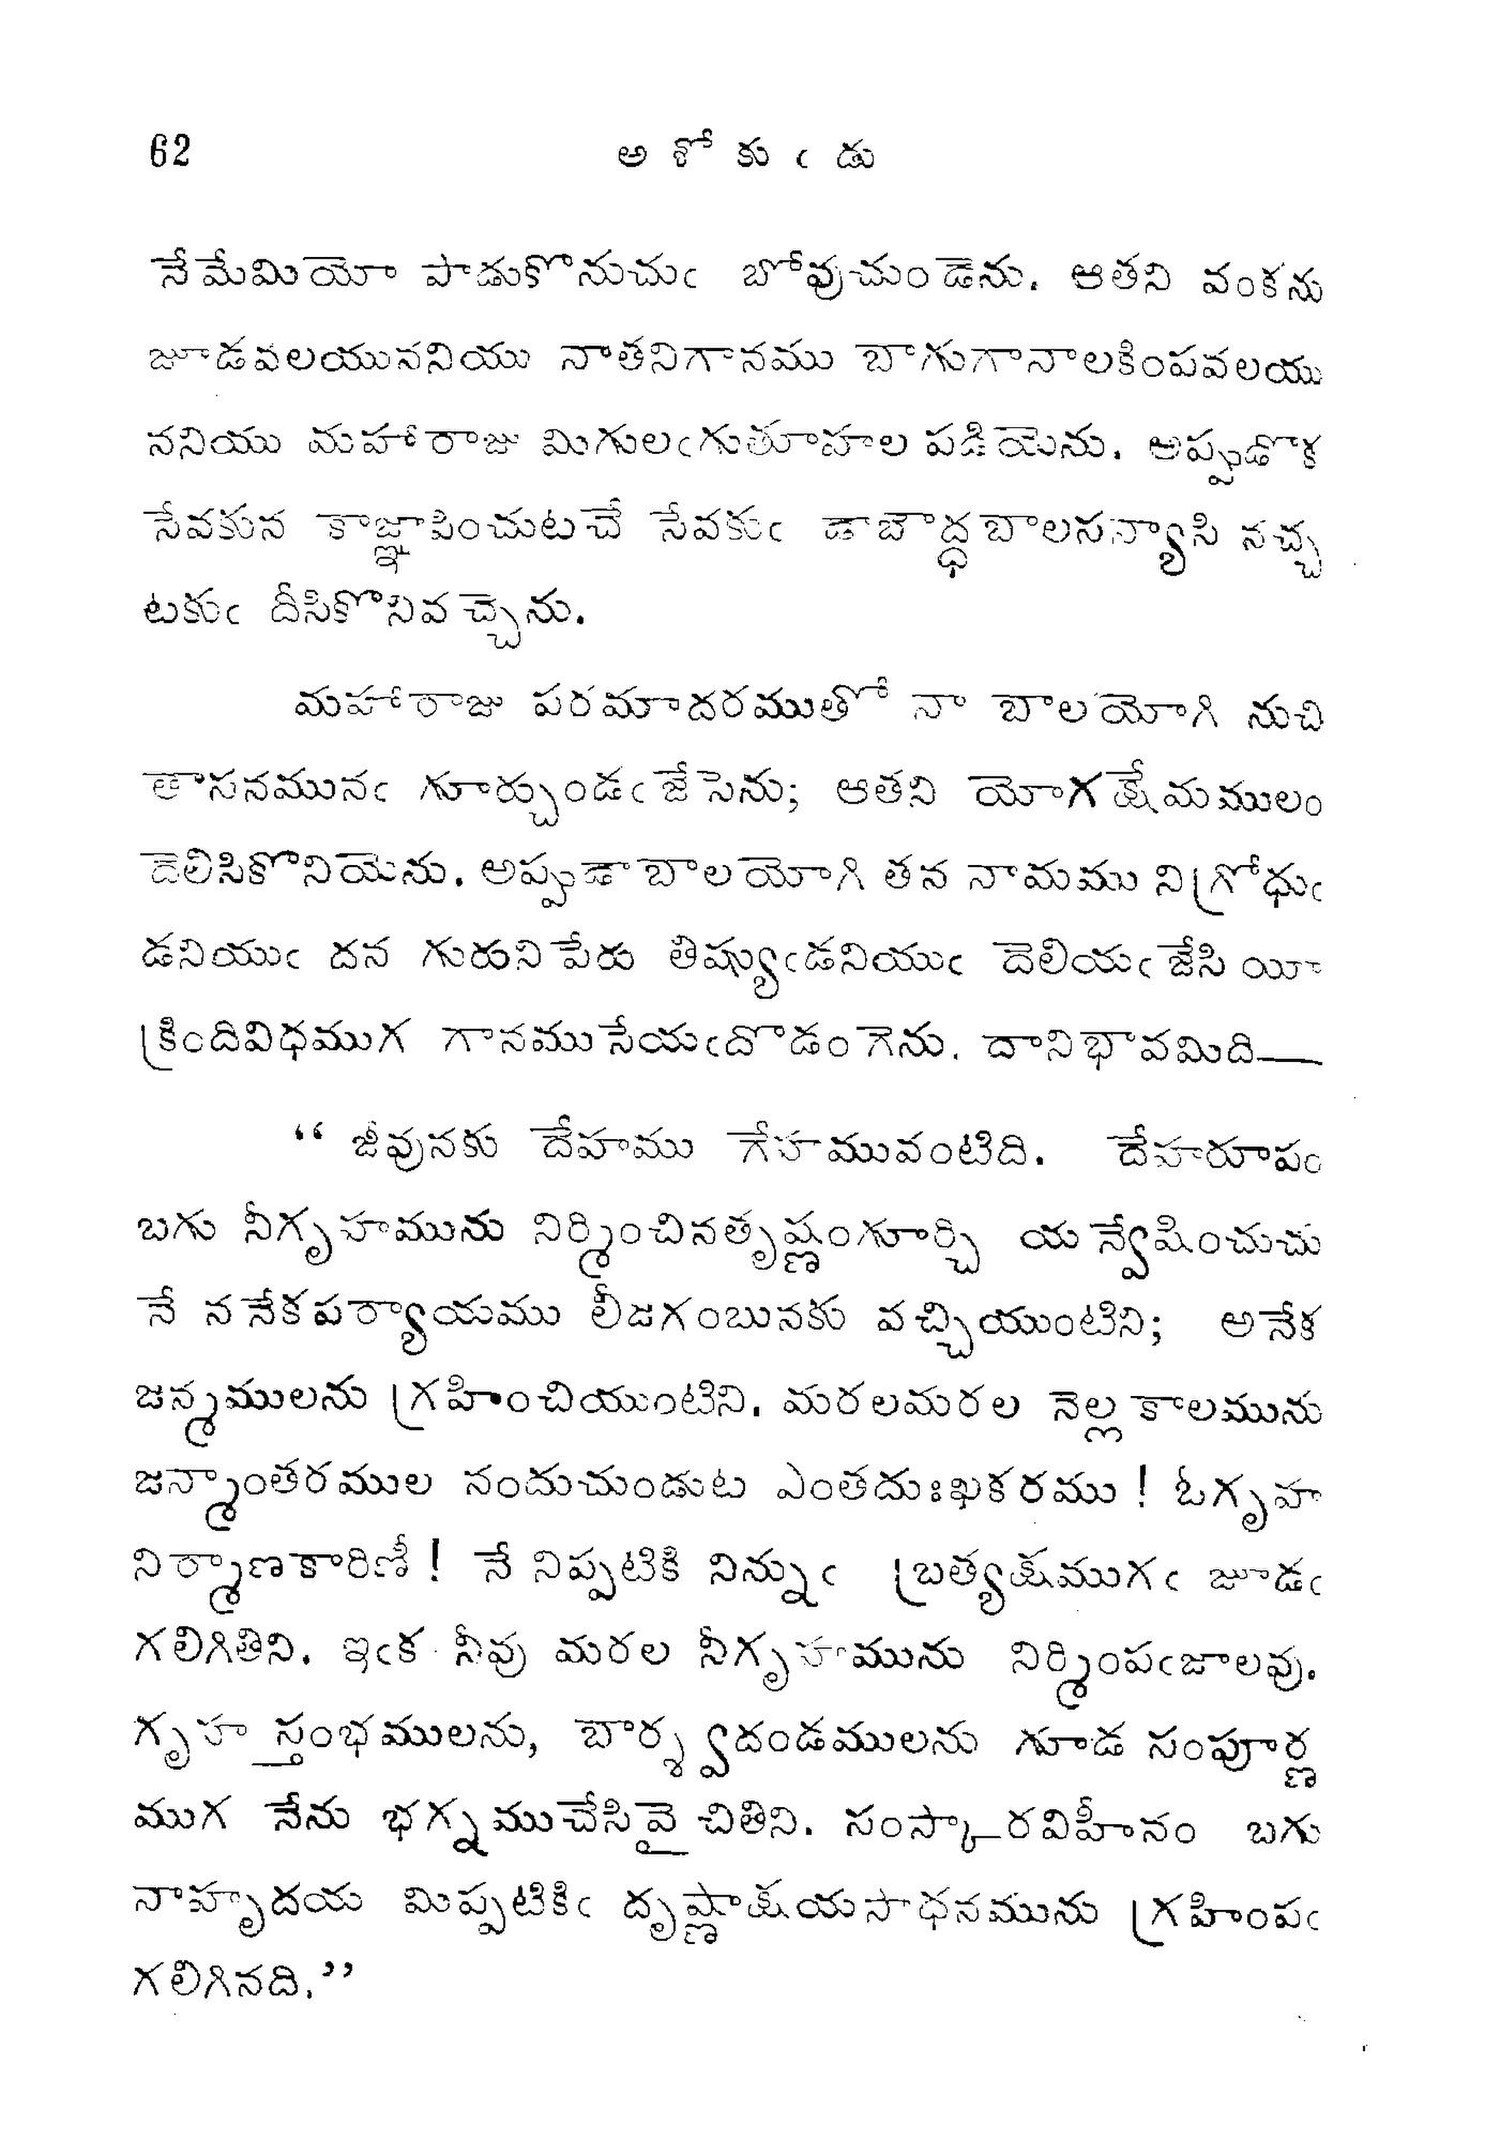నేమేమియో పాడుకొనుచుఁ బోవుచుండెను. అతని వంకను జూడవలయుననియు నాతనిగానము బాగుగానాలకింపవలయు ననియు మహా రాజు మిగులఁగుతూహల పడియెను. అప్పుడొక సేవకున కాజ్ఞాపించుట చే సేవకుఁ డాబౌద్దబాలసన్యాసి నచ్చటకుఁ దీసికొని వచ్చెను.

మహారాజు పరమాదరముతో నా బాలయోగి నుచితాసనమునఁ గూర్చుండఁ జేసెను; ఆతని యోగక్షేమములం దెలిసికొనియెను. అప్పుడా బాలయోగి తన నామము నిగ్రోధుఁడనియుఁ దన గురుని పేరు తిష్యుఁడనియుఁ దెలియఁ జేసి యీ క్రిందివిధముగ గానము సేయఁదొడంగెను. దాని భావమిది--

జీవునకు దేహము గేహమువంటిది. దేహరూపంబగు నీగృహమును నిర్మించిన తృష్ణం గూర్చి యన్వేషించుచు నే ననేక పర్యాయము లీజగంబునకు వచ్చియుంటిని; అనేక జన్మములను గ్రహించియుంటిని, మరలమరల నెల్ల కాలమును జన్మాంతరముల నందుచుండుట ఎంతదుఃఖకరము ! ఓగృహ నిర్మాణ కారిణీ ! నే నిప్పటికి నిన్ను బ్రత్యక్షముగఁ జూడఁ
గలిగితిని. ఇఁక నీవు మరల నీగృహమును నిర్మింపఁజాలవు. గృహ స్తంభములను, బార్శ్వదండములను గూడ సంపూర్ణముగ నేను భగ్నము చేసి వైచితిని. సంస్కార విహీనం బగు నాహృదయ మిప్పటికిఁ దృష్ణాక్షయసాధనమును గ్రహింపఁగలిగినది."